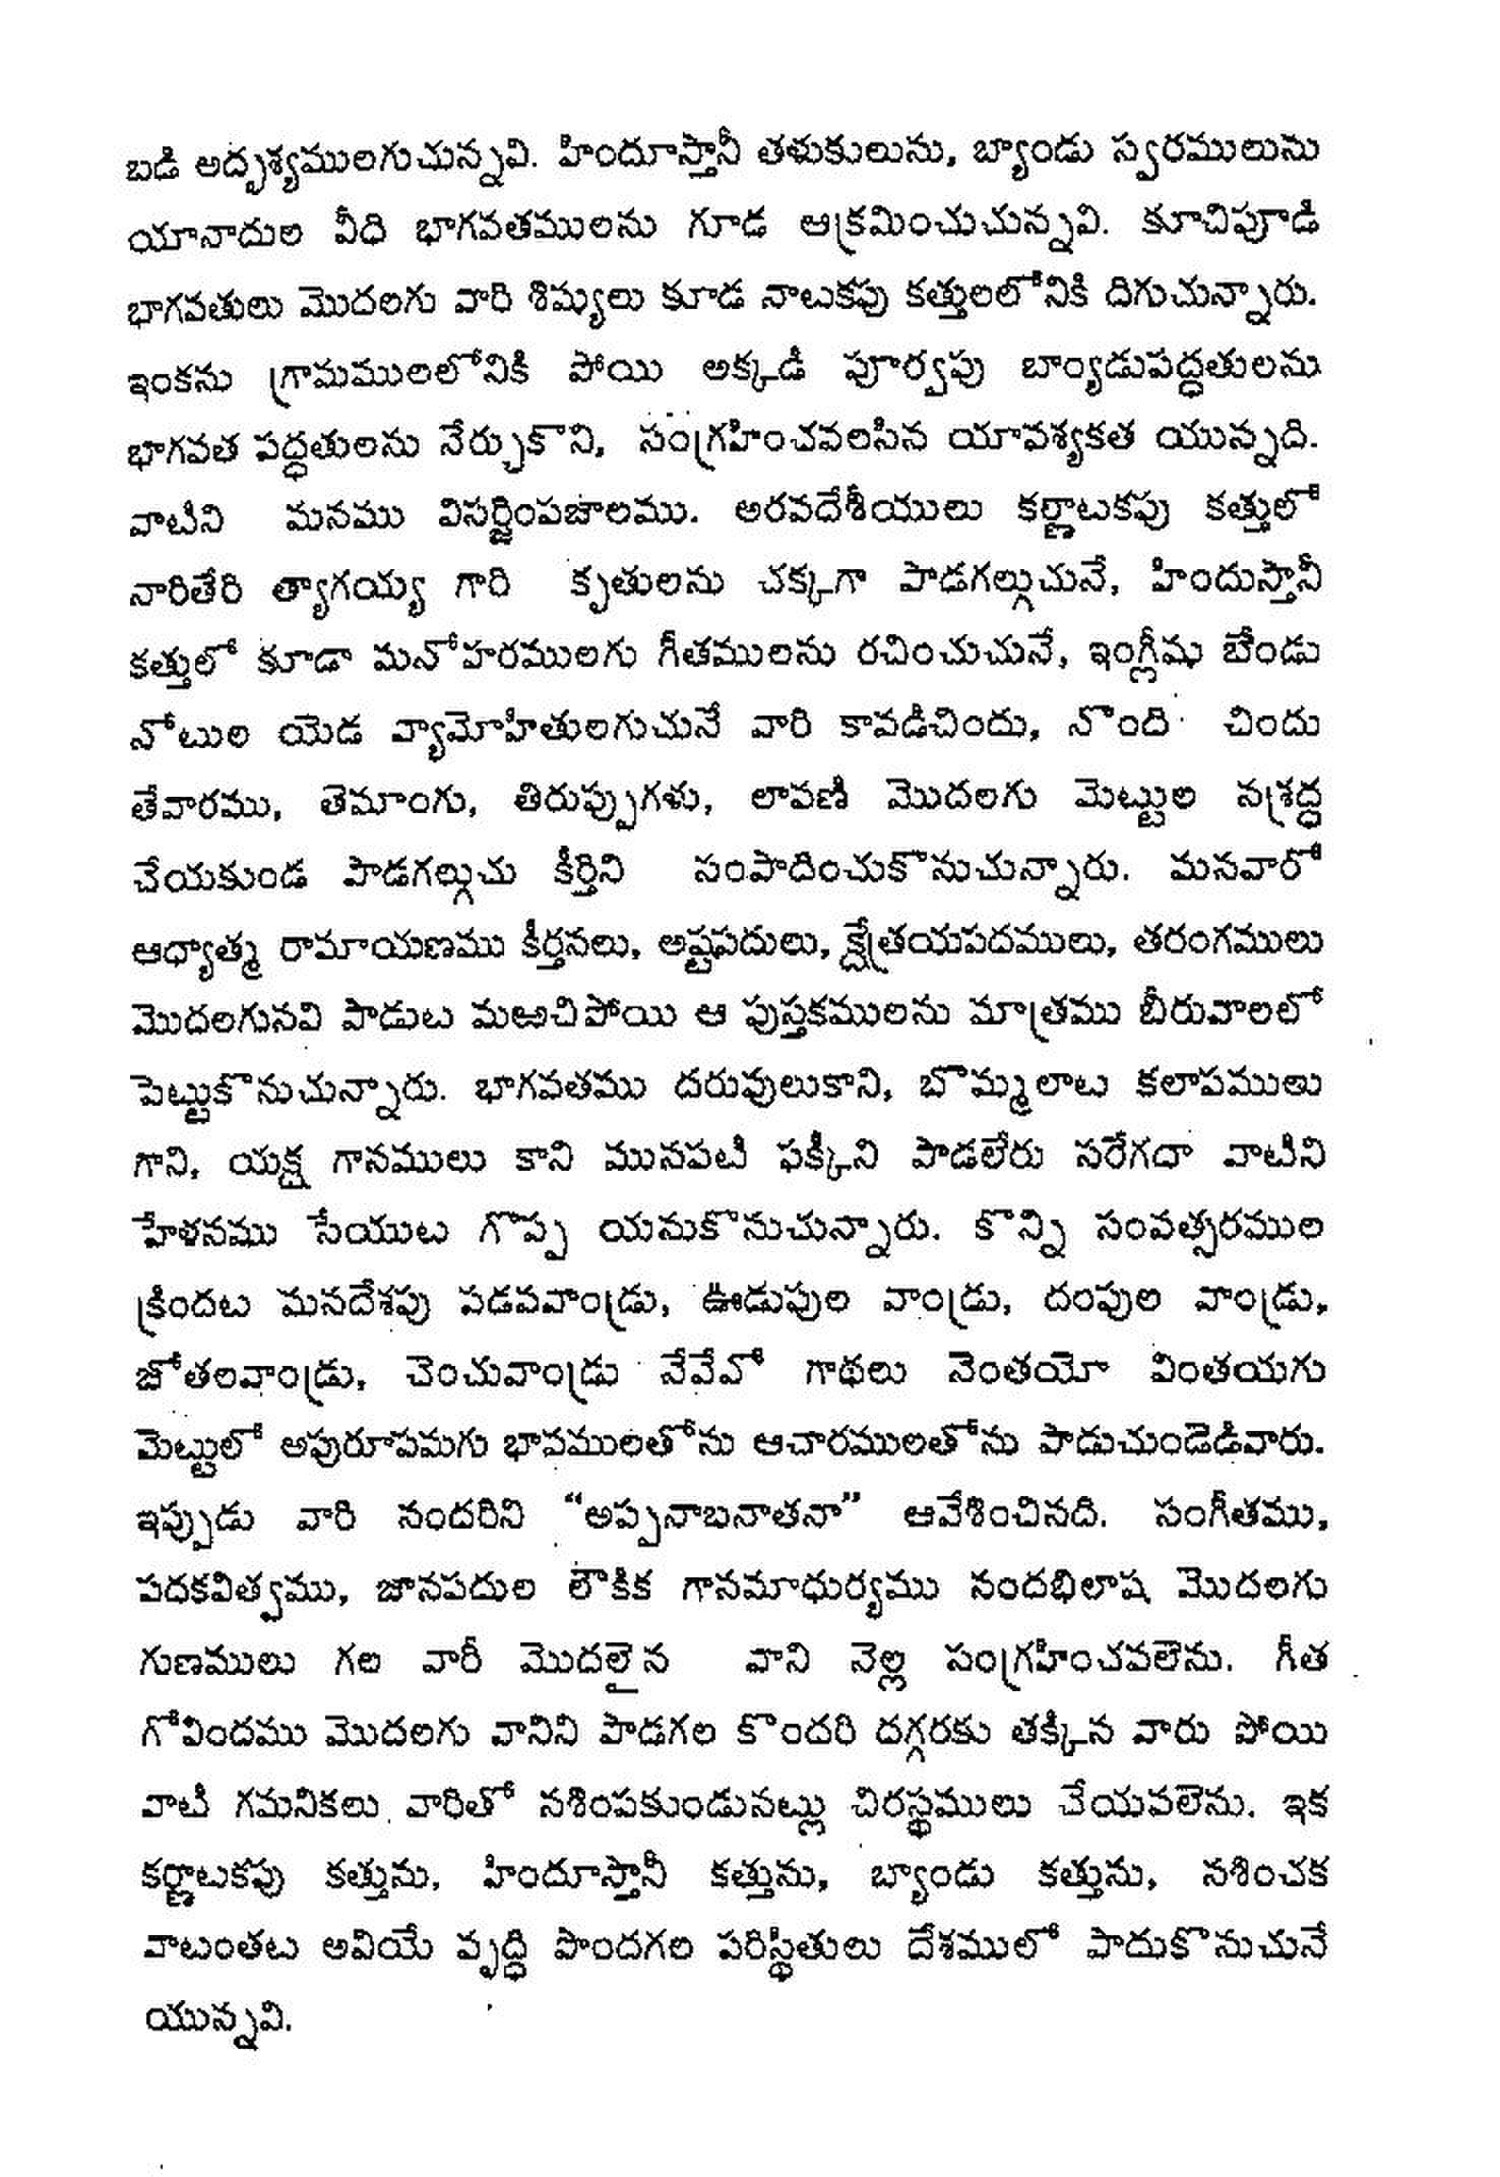బడి అదృశ్యములగుచున్నవి. హిందూస్తానీ తళుకులును, బ్యాండు స్వరములును యానాదుల వీధి భాగవతములను గూడ ఆక్రమించుచున్నవి. కూచిపూడి భాగవతులు మొదలగు వారి శిష్యులు కూడ నాటకపు కత్తులలోనికి దిగుచున్నారు. ఇంకను గ్రామములలోనికి పోయి అక్కడి పూర్వపు బ్యాండుపద్దతులను భాగవత పద్ధతులను నేర్చుకొని, సంగ్రహించవలసిన యావశ్యకత యున్నది. వాటిని మనము విసర్జింపజాలము. అరవదేశీయులు కర్ణాటకపు కత్తులో నారితేరి త్యాగయ్య గారి కృతులను చక్కగా పాడగల్గుచునే, హిందుస్తానీ కత్తులో కూడా మనోహరములగు గీతములను రచించుచునే, ఇంగ్లీషు బేండు నోటుల యెడ వ్యామోహితులగుచునే వారి కావడిచిందు నొంది చిందు తేవారము, తెమాంగు, తిరుప్పుగళు, లావణి మొదలగు మెట్టుల నశ్రద్ధ చేయకుండ పాడగల్గుచు కీర్తిని సంపాదించుకొనుచున్నారు. మనవారో అధ్యాత్మ రామాయణము కీర్తనలు, అష్టపదులు, క్షేత్రయపదములు, తరంగములు మొదలగునవి పాడుట మఱచిపోయి ఆ పుస్తకములను మాత్రము బీరువాలలో పెట్టుకొనుచున్నారు. భాగవతము దరువులుకాని, బొమ్మలాట కలాపములుగాని, యక్ష గానములు కాని మునుపటి ఫక్కీని పాడలేరు సరేగదా వాటిని హేళనము సేయుట గొప్ప యనుకొనుచున్నారు. కొన్ని సంవత్సరముల క్రిందట మనదేశపు పడవవాండ్రు, ఊడువుల వాండ్రు, దంపుల వాండ్రు, జోతలవాండ్రు, చెంచువాండ్రు నేవేవో గాథలు నెంతయో వింతయగు మెట్టులో అపురూపమగు భావములతోను ఆచారములతోను పాడుచుండెడివారు. ఇప్పుడు వారి నందరిని "అప్పనాబనాతనా" ఆవేశించినది. సంగీతము, పదకవిత్వము, జానపదుల లౌకిక గానమాధుర్యము నందభిలాష మొదలగు గుణములు గల వారీ మొదలైన వాని నెల్ల సంగ్రహించవలెను. గీత గోవిందము మొదలగు వానిని పాడగల కొందరి దగ్గరకు తక్కిన వారు పోయి వాటి గమనికలు వారితో నశింపకుండునట్లు చిరస్థములు చేయవలెను. ఇక కర్ణాటకపు కత్తును, హిందూస్థానీ కత్తును, బ్యాండు కత్తును, నశించక వాటంతట అవియే వృద్ధి పొందగల పరిస్థితులు దేశములో పాదుకొనుచునే యున్నవి.